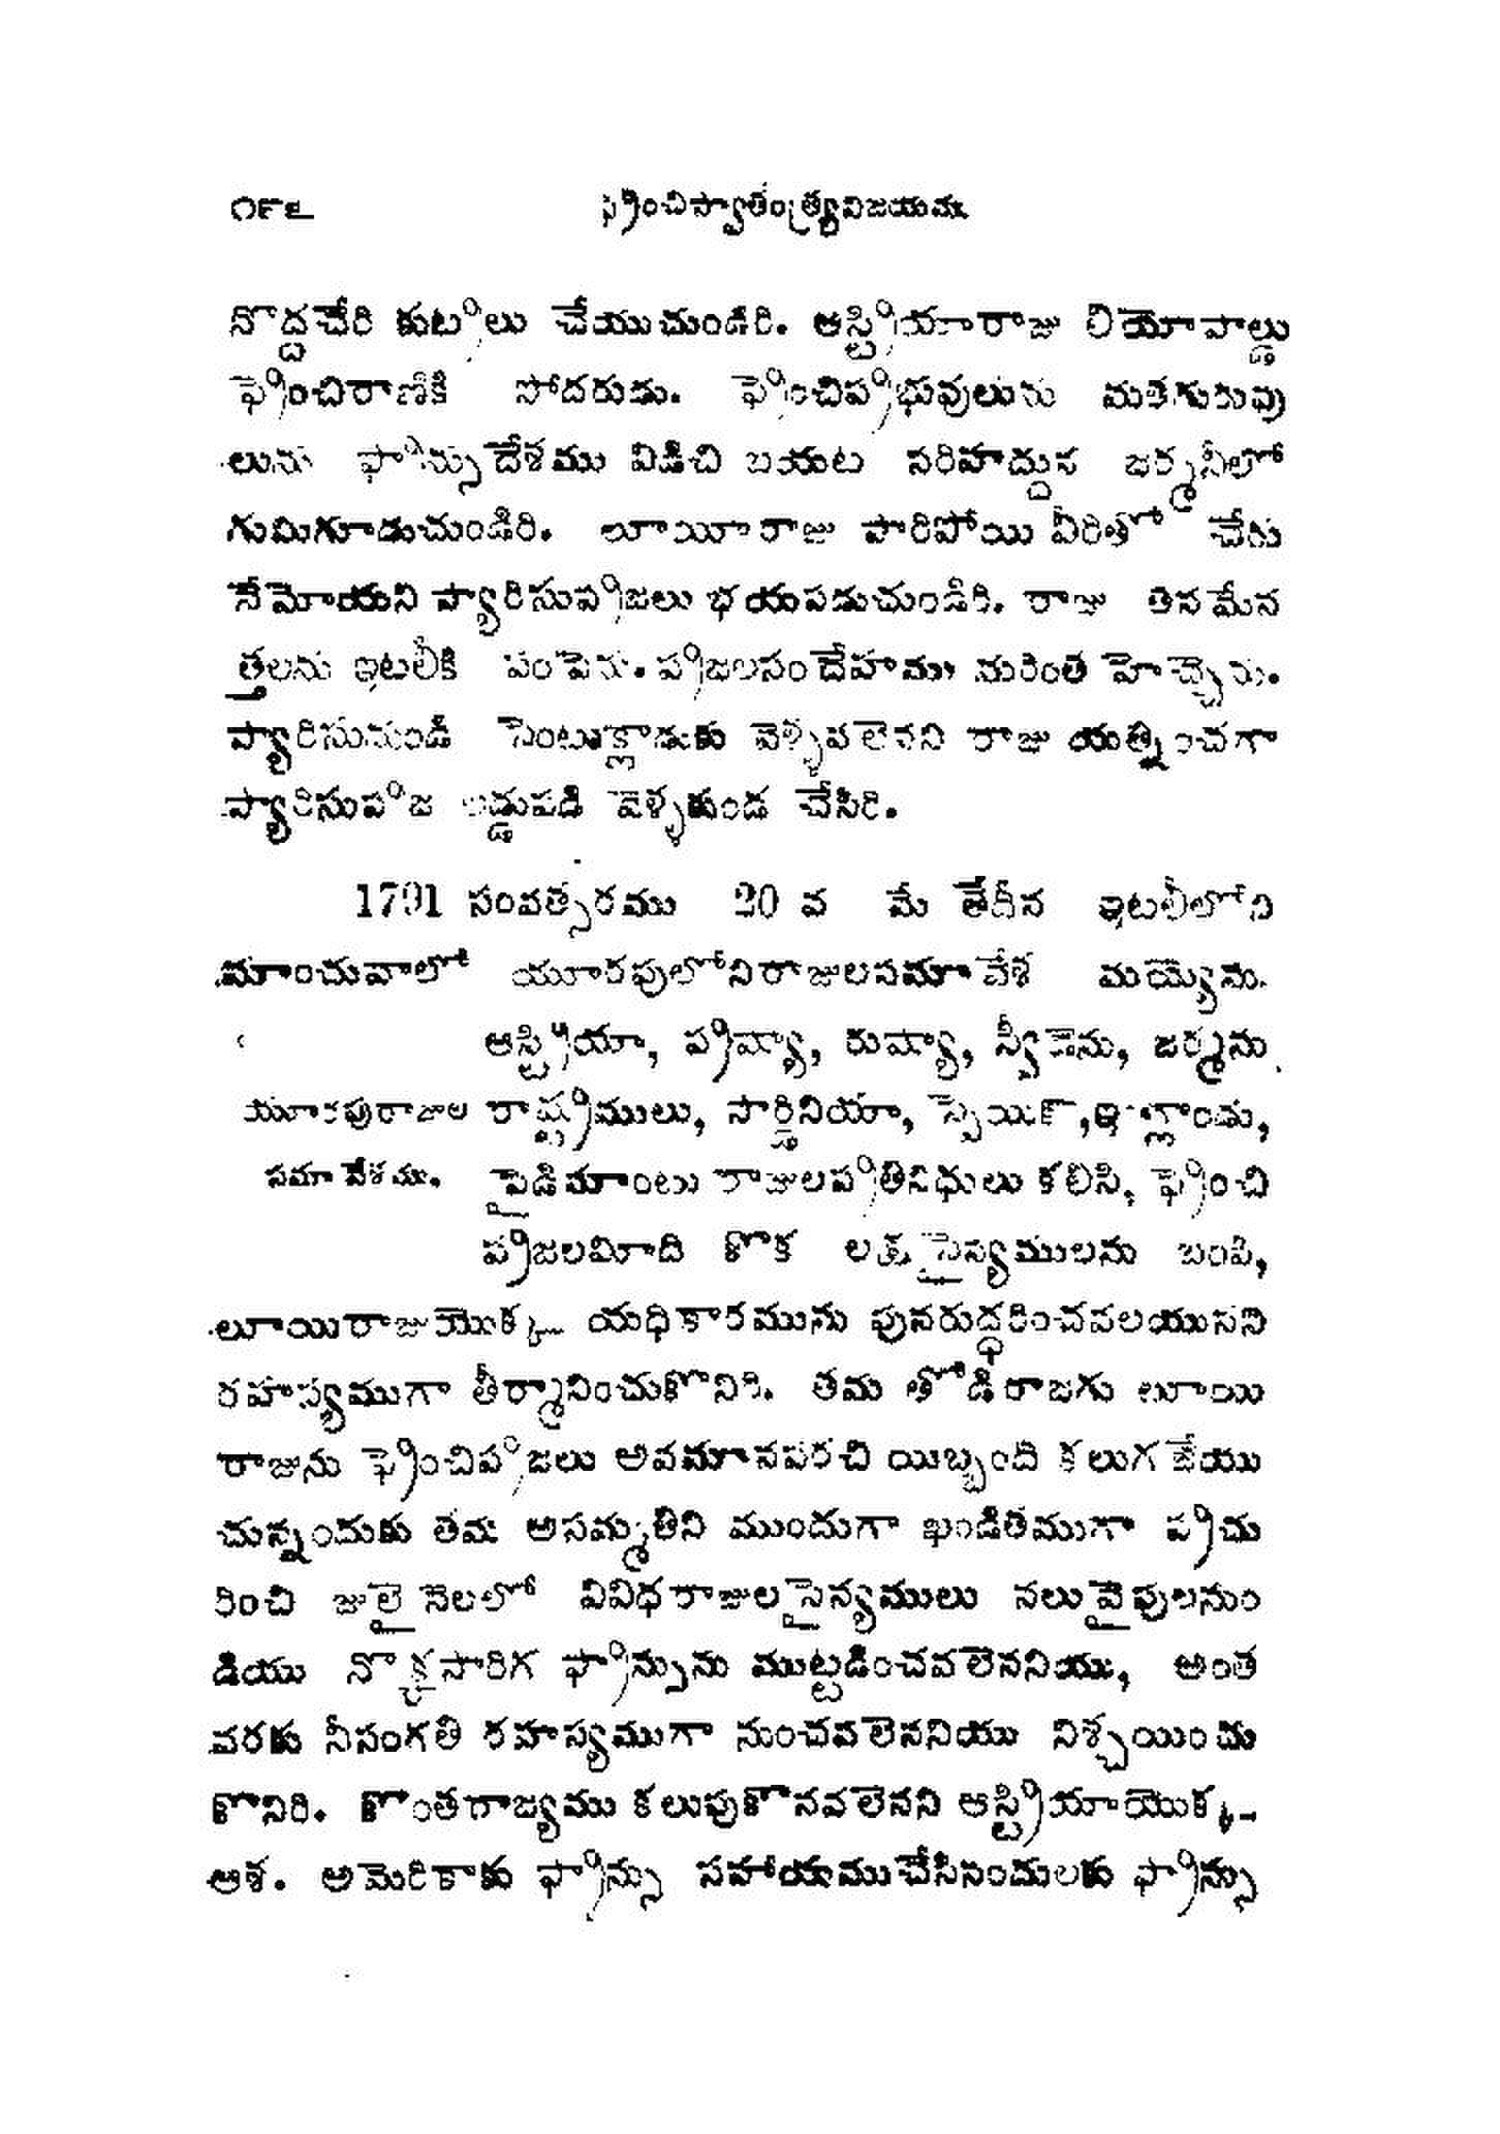నొద్ద చేరి కుట్రలు చేయుచుండిరి. ఆస్ట్రియా రాజు లియోపాల్డు
ఫెంచిరాణికి సోదరుడు. ఫెంచి ప్రభువులును మతగురువు
లున ఫాన్సు దేశము విడిచి బయట సరిహద్దున జర్మనీలో
గుమిగూడుచుండిరి. లూయీరాజు పారిపోయి వీరితో చేరు
నేమోయని ప్యారిసువజలు భయపడుచుండిరి. రాజు తన మేన
త్తలను ఇటలీకి పంపెను. ప్రజలసం దేహము మరింత హెచ్చెను.
ప్యారీసు నుండి సెంటు క్లాసుడు వెళ్ళవలెనని రాజు యత్నించగా
ప్యాసుపజలు అడ్డుపడి వెళ్ళకుండ చేసిరి.

యూరపు రాజుల
సమావేశము
1791 సంవత్సరము 20 వ మే తేదీన ఇటలీలోని
యూరపులోని రాజుల సమావేశ మయ్యెను.
ఆస్ట్రియా, ప్రష్యా, రుష్యా, స్వీడెను, జర్మను.
రాష్ట్రములు, సార్డియా, స్పెయిన్ ,ఇం గ్లాండు,
పైడి మాంటు రాజుల ప్రతినిధులు కలిసి, ప్రెంచి
ప్రజల మీది కొక లక్ష సైన్యములను పంపి,
లూయిరాజు యొక్క, యధికారమును పునరుద్ధరించవలయునని
రహస్యముగా తీర్మానించుకొని. తమ తోడి రాజగు లూయీ
రాజును ఫ్రెంచి ప్రజలు అవమానపరచి యిబ్బంది కలుగ జేయు
చున్నందుకు తమ అసమ్మతిని ముందుగా ఖండితముగా ప్రచు
రెంచి జులై నెలలో వివిధ రాజుల సైన్యములు నలువైపులనుం
డియు నొకసారిగా ఫ్రాన్సును ముట్టడించవలె ననియు, అంత
వరకు నీ సంగతి రహస్యముగా నుంచవలెననియు నిశ్చయించు
కొనిరి. కొంత రాజ్యము కలుపుకొనవలెనని ఆస్ట్రియా యొక్క
ఆశ. అమెరికాకు ఫోన్సు సహాయము చేసినందులకు ఫాస్సు